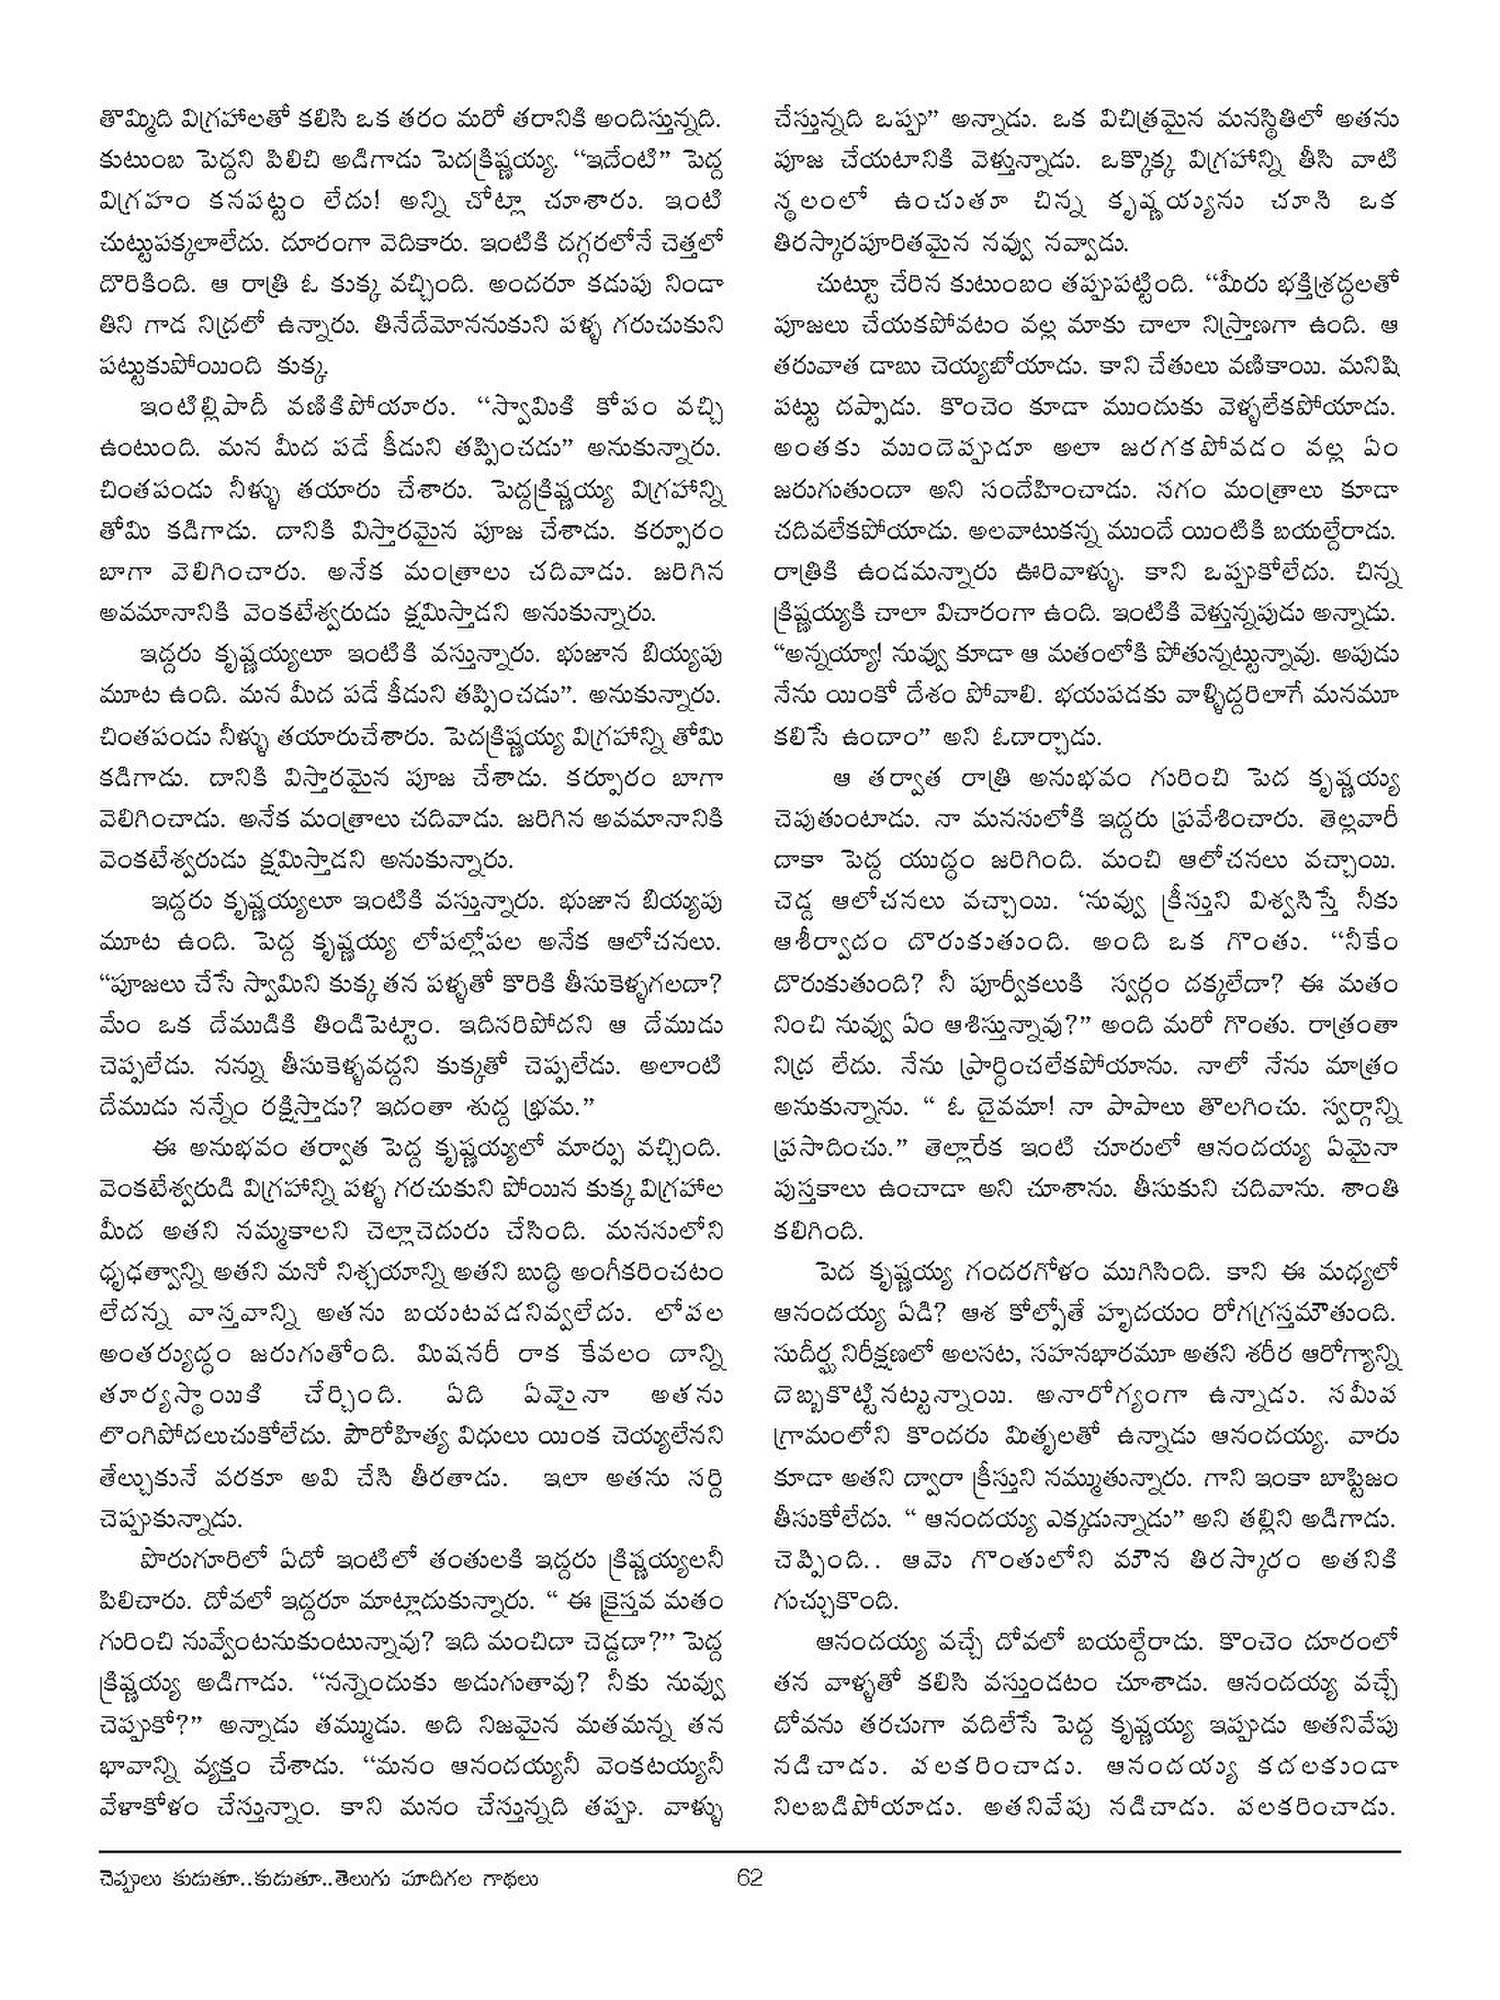తొమ్మిది విగ్రహాలతో కలిసి ఒక తరం మరో తరానికి అందిస్తున్నది. కుటుంబ పెద్దని పిలిచి అడిగాడు పెదక్రిష్ణయ్య. “ఇదేంటి” పెద్ద విగ్రహం కనపట్టం లేదు! అన్ని చోట్లా చూశారు. ఇంటి చుట్టుపక్కలాలేదు. దూరంగా వెదికారు. ఇంటికి దగ్గరలోనే చెత్తలో దొరికింది. ఆ రాత్రి ఓ కుక్క వచ్చింది. అందరూ కడుపు నిండా తిని గాడ నిద్రలో ఉన్నారు. తినేదేమోననుకుని పళ్ళ గరుచుకుని పట్టుకుపోయింది కుక్క.

ఇంటిల్లిపాదీ వణికిపోయారు. "స్వామికి కోపం వచ్చి ఉంటుంది. మన మీద పడే కీడుని తప్పించడు" అనుకున్నారు. చింతపండు నీళ్ళు తయారు చేశారు. పెద్దక్రిష్ణయ్య విగ్రహాన్ని తోమి కడిగాడు. దానికి విస్తారమైన పూజ చేశాడు. కర్పూరం బాగా వెలిగించారు. అనేక మంత్రాలు చదివాడు. జరిగిన
అవమానానికి వెంకటేశ్వరుడు క్షమిస్తాడని అనుకున్నారు.

ఇద్దరు కృష్ణయ్యలూ ఇంటికి వస్తున్నారు. భుజాన బియ్యపు మూట ఉంది. మన మీద పడే కీడుని తప్పించడు". అనుకున్నారు. చింతపండు నీళ్ళు తయారుచేశారు. పెదక్రిష్ణయ్య విగ్రహాన్ని తోమి
కడిగాడు. దానికి విస్తారమైన పూజ చేశాడు. కర్పూరం బాగా వెలిగించాడు. అనేక మంత్రాలు చదివాడు. జరిగిన అవమానానికి వెంకటేశ్వరుడు క్షమిస్తాడని అనుకున్నారు.

ఇద్దరు కృష్ణయ్యలూ ఇంటికి వస్తున్నారు. భుజాన బియ్యపు మూట ఉంది. పెద్ద కృష్ణయ్య లోపల్లోపల అనేక ఆలోచనలు. “పూజలు చేసే స్వామిని కుక్క తన పళ్ళతో కొరికి తీసుకెళ్ళగలదా? మేం ఒక దేముడికి తిండిపెట్టాం. ఇదిసరిపోదని ఆ దేముడు చెప్పలేడు. నన్ను తీసుకెళ్ళవద్దని కుక్కతో చెప్పలేడు. అలాంటి
దేముడు నన్నేం రక్షిస్తాడు? ఇదంతా శుద్ధ భ్రమ."

ఈ అనుభవం తర్వాత పెద్ద కృష్ణయ్యలో మార్పు వచ్చింది. వెంకటేశ్వరుడి విగ్రహాన్ని పళ్ళ గరచుకుని పోయిన కుక్క విగ్రహాల మీద అతని నమ్మకాలని చెల్లాచెదురు చేసింది. మనసులోని ధృఢత్వాన్ని అతని మనో నిశ్చయాన్ని అతని బుద్ధి అంగీకరించటం లేదన్న వాస్తవాన్ని అతను బయటపడనివ్వలేదు. లోపల
అంతర్యుద్ధం జరుగుతోంది. మిషనరీ రాక కేవలం దాన్ని తూర్యస్థాయికి చేర్చింది. ఏది ఏమైనా అతను
లొంగిపోదలుచుకోలేదు. పౌరోహిత్య విధులు యింక చెయ్యలేనని తేల్చుకునే వరకూ అవి చేసి తీరతాడు. ఇలా అతను సర్ది చెప్పుకున్నాడు.

పొరుగూరిలో ఏదో ఇంటిలో తంతులకి ఇద్దరు క్రిష్ణయ్యలనీ పిలిచారు. దోవలో ఇద్దరూ మాట్లాడుకున్నారు. "ఈ క్రైస్తవ మతం గురించి నువ్వేంటనుకుంటున్నావు? ఇది మంచిదా చెడ్డదా? పెద్ద క్రిష్ణయ్య అడిగాడు. "నన్నెందుకు అడుగుతావు? నీకు నువ్వు చెప్పుకో?” అన్నాడు తమ్ముడు. అది నిజమైన మతమన్న తన
భావాన్ని వ్యక్తం చేశాడు. "మనం ఆనందయ్యనీ వెంకటయ్యనీ వేళాకోళం చేస్తున్నాం. కాని మనం చేస్తున్నది తప్పు. వాళ్ళు చేస్తున్నది ఒప్పు” అన్నాడు. ఒక విచిత్రమైన మనస్థితిలో అతను పూజ చేయటానికి వెళ్తున్నాడు. ఒక్కొక్క విగ్రహాన్ని తీసి వాటి స్థలంలో ఉంచుతూ చిన్న కృష్ణయ్యను చూసి ఒక
తిరస్కారపూరితమైన నవ్వు నవ్వాడు.

చుట్టూ చేరిన కుటుంబం తప్పుపట్టింది. "మీరు భక్తిశ్రద్ధలతో పూజలు చేయకపోవటం వల్ల మాకు చాలా నిస్త్రాణగా ఉంది. ఆ తరువాత డాబు చెయ్యబోయాడు. కాని చేతులు వణికాయి. మనిషి పట్టు దప్పాడు. కొంచెం కూడా ముందుకు వెళ్ళలేకపోయాడు. అంతకు ముందెప్పుడూ అలా జరగకపోవడం వల్ల ఏం
జరుగుతుందా అని సందేహించాడు. సగం మంత్రాలు కూడా చదవలేకపోయాడు. అలవాటుకన్న ముందే యింటికి బయల్దేరాడు. రాత్రికి ఉండమన్నారు. ఊరివాళ్ళు. కాని ఒప్పుకోలేదు. చిన్న క్రిష్ణయ్యకి చాలా విచారంగా ఉంది. ఇంటికి వెళ్తున్నపుడు అన్నాడు. "అన్నయ్యా! నువ్వు కూడా ఆ మతంలోకి పోతున్నట్టున్నావు. అపుడు నేను యింకో దేశం పోవాలి. భయపడకు వాళ్ళిద్దరిలాగే మనమూ కలిసే ఉందాం" అని ఓదార్చాడు.

ఆ తర్వాత రాత్రి అనుభవం గురించి పెద కృష్ణయ్య చెపుతుంటాడు. నా మనసులోకి ఇద్దరు ప్రవేశించారు. తెల్లవారీ దాకా పెద్ద యుద్ధం జరిగింది. మంచి ఆలోచనలు వచ్చాయి. చెడ్డ ఆలోచనలు వచ్చాయి. 'నువ్వు క్రీస్తుని విశ్వసిస్తే నీకు ఆశీర్వాదం దొరుకుతుంది. అంది ఒక గొంతు. "నీకేం దొరుకుతుంది? నీ పూర్వీకలుకి స్వర్గం దక్కలేదా? ఈ మతం నించి నువ్వు ఏం ఆశిస్తున్నావు?" అంది మరో గొంతు. రాత్రంతా నిద్ర లేదు. నేను ప్రార్ధించలేకపోయాను. నాలో నేను మాత్రం అనుకున్నాను. "ఓ దైవమా! నా పాపాలు తొలగించు. స్వర్గాన్ని ప్రసాదించు." తెల్లారేక ఇంటి చూరులో ఆనందయ్య ఏమైనా పుస్తకాలు ఉంచాడా అని చూశాను. తీసుకుని చదివాను. శాంతి కలిగింది.

పెద కృష్ణయ్య గందరగోళం ముగిసింది. కాని ఈ మధ్యలో ఆనందయ్య ఏడి? ఆశ కోల్పోతే హృదయం రోగగ్రస్తమౌతుంది. సుదీర్ఘ నిరీక్షణలో అలసట, సహనభారమూ అతని శరీర ఆరోగ్యాన్ని దెబ్బకొట్టినట్టున్నాయి. అనారోగ్యంగా ఉన్నాడు. సమీప గ్రామంలోని కొందరు మితృలతో ఉన్నాడు ఆనందయ్య. వారు కూడా అతని ద్వారా క్రీస్తుని నమ్ముతున్నారు. గాని ఇంకా బాప్టిజం తీసుకోలేదు. "ఆనందయ్య ఎక్కడున్నాడు" అని తల్లిని అడిగాడు. చెప్పింది. ఆమె గొంతులోని మౌన తిరస్కారం అతనికి గుచ్చుకొంది.

ఆనందయ్య వచ్చే దోవలో బయల్దేరాడు. కొంచెం దూరంలో తన వాళ్ళతో కలిసి వస్తుండటం చూశాడు. ఆనందయ్య వచ్చే దోవను తరచుగా వదిలేసే పెద్ద కృష్ణయ్య ఇప్పుడు అతనివేపు నడిచాడు. పలకరించాడు. ఆనందయ్య కదలకుండా నిలబడిపోయాడు. అతనివేపు నడిచాడు. పలకరించాడు.